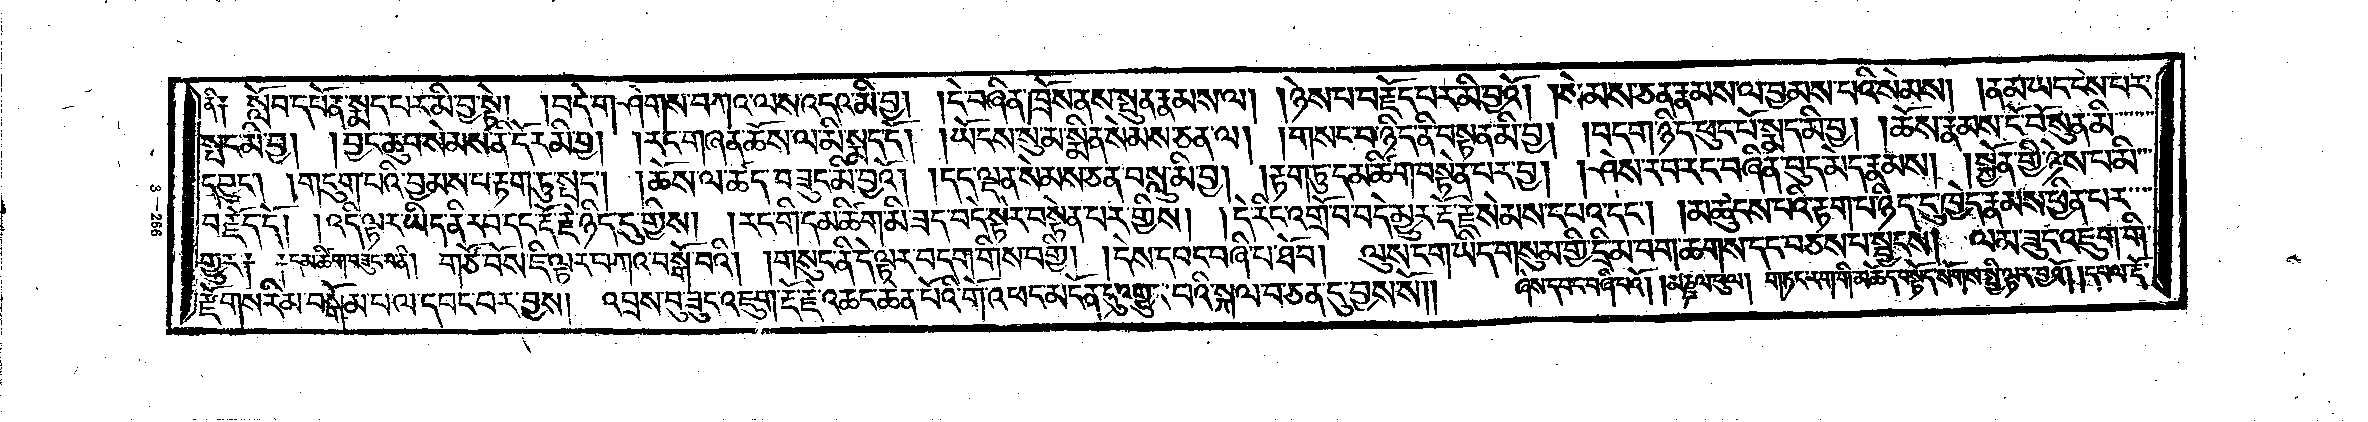ནི༑ སློབ་དཔོན་སྨད་པར་མི་བྱ་སྟེ། །བདེ་གཤེགས་བཀའ་ལས་འདའ་མི་བྱ། །དེ་བཞིན་ཁྲོས་ནས་སྤུན་རྣམས་ལ། །ཉེས་པ་བརྗོད་པར་མི་བྱའོ། །སེམས་ཅན་རྣམས་ལ་བྱམས་པའི་སེམས། །ནམ་ཡང་ངེས་པར་
སྤང་མི་བྱ། །བྱང་ཆུབ་སེམས་ནི་དོར་མི་བྱ། །རང་གཞན་ཆོས་ལ་མི་སྨད་དོ། །ཡོངས་སུ་མ་སྨིན་སེམས་ཅན་ལ། །གསང་བ་ཉིད་ནི་བསྟན་མི་བྱ། །བདག་ཉིད་ཕུང་པོ་སྨད་མི་བྱ། །ཆོས་རྣམས་ངོ་བོ་སུན་མི་
དབྱུང་། །གདུག་པའི་བྱམས་པ་རྟག་ཏུ་སྤང་། །ཆོས་ལ་ཚད་བཟུང་མི་བྱའོ། །དད་ལྡན་སེམས་ཅན་བསླུ་མི་བྱ། །རྟག་ཏུ་དམ་ཚིག་བསྟེན་པར་བྱ། །ཤེས་རབ་རང་བཞིན་བུད་མེད་རྣམས། །སྐྱོན་གྱི་ཉེས་པ་མི་
བརྗོད་དོ། །འདི་ལྟར་ཡིད་ནི་རབ་དང་རྡོ་རྗེ་ཉིད་དུ་གྱིས། །རང་གི་དམ་ཚིག་མི་ཟད་བདེ་སྟེར་བསྟེན་པར་གྱིས། །དེ་རིང་འགྲོ་བ་བདེ་མྱུར་རྡོ་རྗེ་སེམས་དཔའ་དང་། །མཚུངས་པའི་རྟག་པ་ཉིད་དུ་ཁྱེད་རྣམས་ཕྱིན་པར་
གྱུར༑ ༑དམ་ཚིག་བཟུང་བ་ནི།  གཙོ་བོས་ཇི་ལྟར་བཀའ་བསྒོ་བའི། །གསུང་ནི་དེ་ལྟར་བདག་གིས་བགྱི། །དེས་དབང་བཞི་པ་ཐོབ། ལུས་ངག་ཡིད་གསུམ་གྱི་དྲི་མ་བག་ཆགས་དང་བཅས་པ་སྦྱངས། ལམ་ཟུང་འཇུག་གི་
རྫོགས་རིམ་བསྒོམ་པ་ལ་དབང་བར་བྱས། འབྲས་བུ་ཟུང་འཇུག་རྡོ་རྗེ་འཆང་ཆེན་པོའི་གོ་འཕང་མངོན་དུ་འགྱུར་པའི་སྐལ་བ་ཅན་དུ་བྱས་སོ།། ཞེས་དབང་བཞི་པའོ། །མཎྜལ་ཕུལ། གཏང་རག་གི་མཆོད་བསྟོད་སོགས་སྤྱི་ལྟར་བྱའོ། །དཔལ་རྡོ་